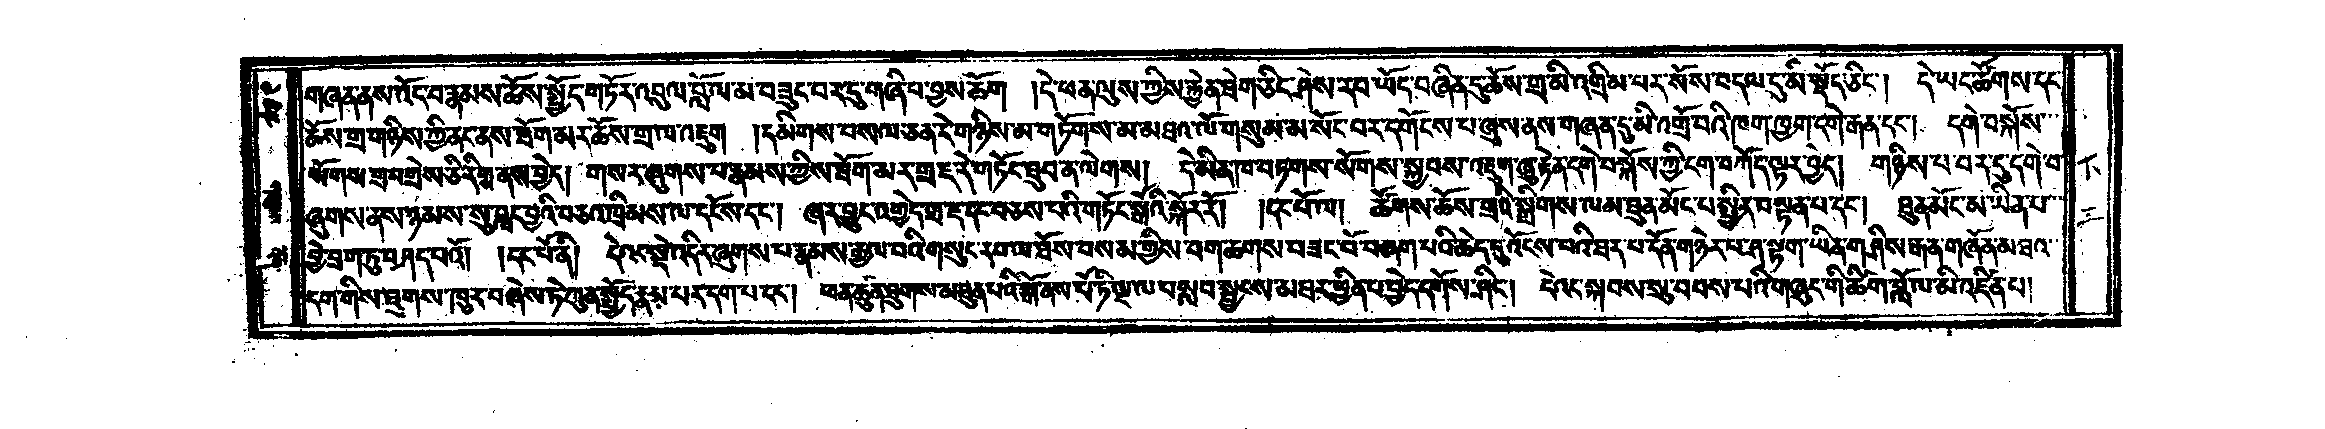གཞན་ནས་འོད་བ་རྣམས་ཆོས་སྤྱོད་གཏོར་འབུལ་བློ་ལ་མ་བཟུང་བར་དུ་གཞི་པ་བྱས་ཆོག །དེ་ཕན་ལུས་ཀྱིས་རྐྱེན་ཐེག་ཅིང་ཤེས་རབ་ཡོད་བཞིན་དུ་ཆོས་གྲ་མི་འགྲིམ་པར་སོས་བདལ་དུ་མི་སྡོད་ཅིང་། དེ་ཡང་ཚོགས་དང་
ཆོས་གྲ་གཉིས་ཀྱི་ནང་ནས་ཐོག་མར་ཆོས་གྲ་ལ་འཇུག །དམིགས་བསལ་ཅན་རེ་གཉིས་མ་གཏོགས་མ་མཐའ་ལོ་གསུམ་མ་སོང་བར་དགོངས་པ་ཞུས་ནས་གཞན་དུ་མི་འགྲོ་བའི་ཁག་ཁྱག་དགེ་རྒན་དང་། དགེ་བསྐོས་
སོགས་གྲ་བགྲེས་ཅི་རིགས་ནས་བྱེད། གསར་ཞུགས་པ་རྣམས་ཀྱིས་ཐོག་མར་གྲ་ཇ་རེ་གཏོང་ཐུབ་ན་ཁེགས།?  དེ་མིན་ཁ་བཏགས་སོགས་སྐྱབས་འཇུག་ཞུ་རྟེན་དགེ་བསྐོས་ཀྱི་ངག་བཀོད་ལྟར་བྱེད། གཉིས་པ་བར་དུ་དགེ་བ་
ཞུགས་ནས་ཉམས་སུ་བླང་བྱའི་བཅའ་ཁྲིམས་ལ་དངོས་དང་། ཞར་བྱུང་འགྱེད་གྲ་ཇ་དང་བཅས་པའི་གཏོང་སྒོའི་སྐོར་རོ། །དང་པོ་ལ། ཚོགས་ཆོས་གྲའི་སྒྲིགས་ལམ་ཐུན་མོང་པ་སྤྱིར་བསྟན་པ་དང་། ཐུན་མོང་མ་ཡིན་པ་
བྱེ་བྲག་ཏུ་བཤད་པའོ། །དང་པོ་ནི། དེའང་སྡེ་འདིར་ཞུགས་པ་རྣམས་རྒྱལ་བའི་གསུང་རབ་ལ་ཐོས་བསམ་གྱིས་བག་ཆགས་བཟང་པོ་བཞག་པའི་ཆེད་དུ་འོངས་པའི་ཐར་པ་དོན་གཉེར་པ་ཤ་སྟག་ཡིན་གཤིས་རྒན་གཞོན་མཐའ་
དག་གིས་ཐུགས་ཁུར་བཞེས་ཏེ་ཀུན་སྤྱོད་རྣམ་པར་དག་པ་དང་། ཕན་ཚུན་ཐུགས་མཐུན་པའི་སྒོ་ནས་པོ་ཏི་ལྔ་ལ་བསླབ་སྦྱངས་མཐར་ཕྱིན་པ་བྱེད་དགོས་ཤིང་། དེའང་སྐབས་སུ་བབས་པའི་གཞུང་གི་ཚིག་བློ་ལ་མི་འཛིན་པ།